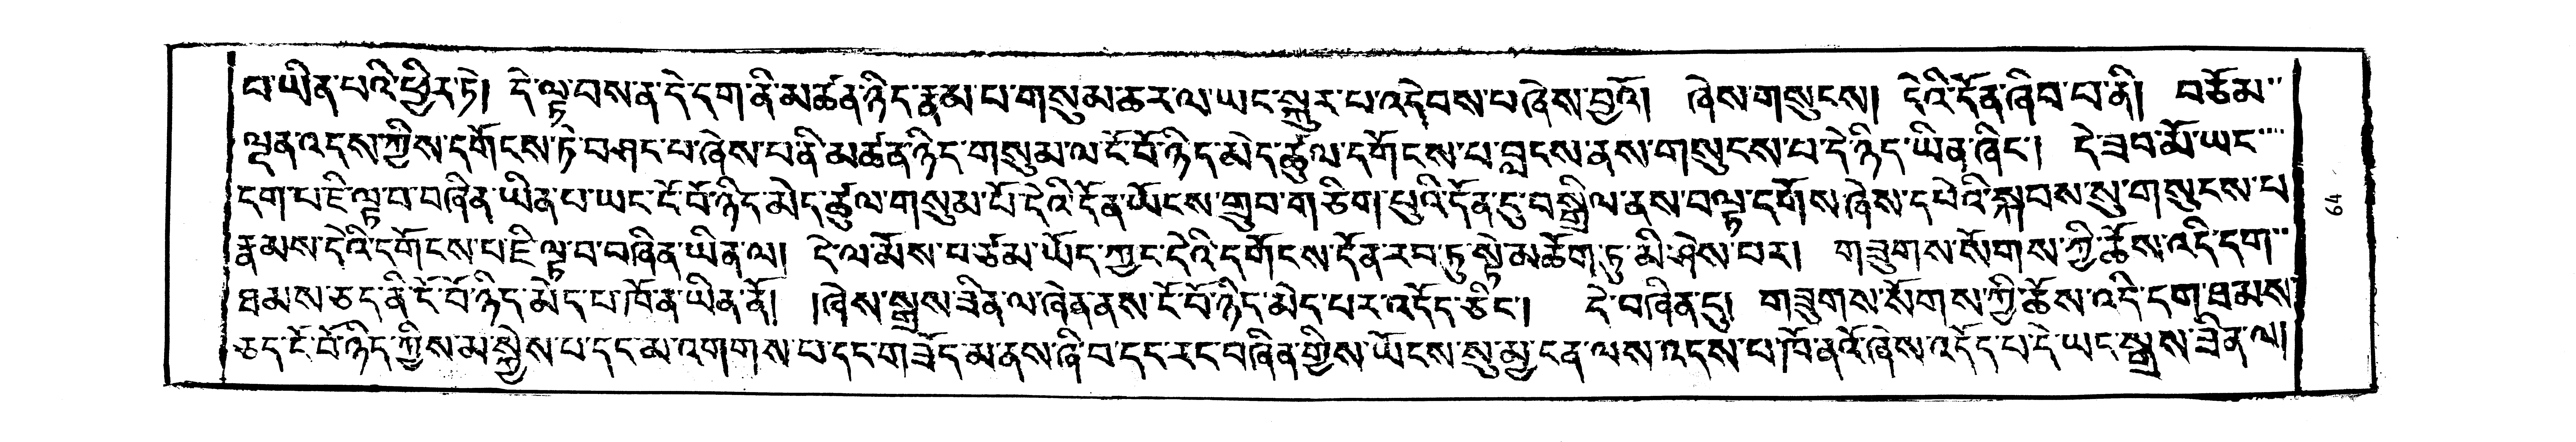བ་ཡིན་པའི་ཕྱིར་ཏེ། དེ་ལྟ་བས་ན་དེ་དག་ནི་མཚན་ཉིད་རྣམ་པ་གསུམ་ཆར་ལ་ཡང་སྐུར་བ་འདེབས་པ་ཞེས་བྱའོ། ཞེས་གསུངས། དེའི་དོན་ཞིབ་པ་ནི། བཅོམ་
ལྡན་འདས་ཀྱིས་དགོངས་ཏེ་བཤད་པ་ཞེས་པ་ནི་མཚན་ཉིད་གསུམ་ལ་ངོ་བོ་ཉིད་མེད་ཚུལ་དགོངས་པ་བླངས་ནས་གསུངས་པ་དེ་ཉིད་ཡིན་ཞིང་། དེ་ཟབ་མོ་ཡང་
དག་པ་ཇི་ལྟ་བ་བཞིན་ཡིན་པ་ཡང་ངོ་བོ་ཉིད་མེད་ཚུལ་གསུམ་པོ་དེའི་དོན་ཡོངས་གྲུབ་གཅིག་པུའི་དོན་དུ་བསྒྲིལ་ནས་བལྟ་དགོས་ཞེས་དཔེའི་སྐབས་སུ་གསུངས་པ་
རྣམས་དེའི་དགོངས་པ་ཇི་ལྟ་བ་བཞིན་ཡིན་ལ། དེ་ལ་མོས་པ་ཙམ་ཡོད་ཀྱང་དེའི་དགོངས་དོན་རབ་ཏུ་སྟེ་མཆོག་ཏུ་མི་ཤེས་པར། གཟུགས་སོགས་ཀྱི་ཆོས་འདི་དག་
ཐམས་ཅད་ནི་ངོ་བོ་ཉིད་མེད་པ་ཁོ་ན་ཡིན་ནོ། །ཞེས་སྒྲས་ཟིན་ལ་ཞེན་ནས་ངོ་བོ་ཉིད་མེད་པར་འདོད་ཅིང་། དེ་བཞིན་དུ། གཟུགས་སོགས་ཀྱི་ཆོས་འདི་དག་ཐམས་
ཅད་ངོ་བོ་ཉིད་ཀྱིས་མ་སྐྱེས་པ་དང་མ་འགགས་པ་དང་གཟོད་མ་ནས་ཞི་བ་དང་རང་བཞིན་གྱིས་ཡོངས་སུ་མྱ་ངན་ལས་འདས་པ་ཁོ་ནའོ་ཞེས་འདོད་པ་དེ་ཡང་སྒྲས་ཟིན་ལ།